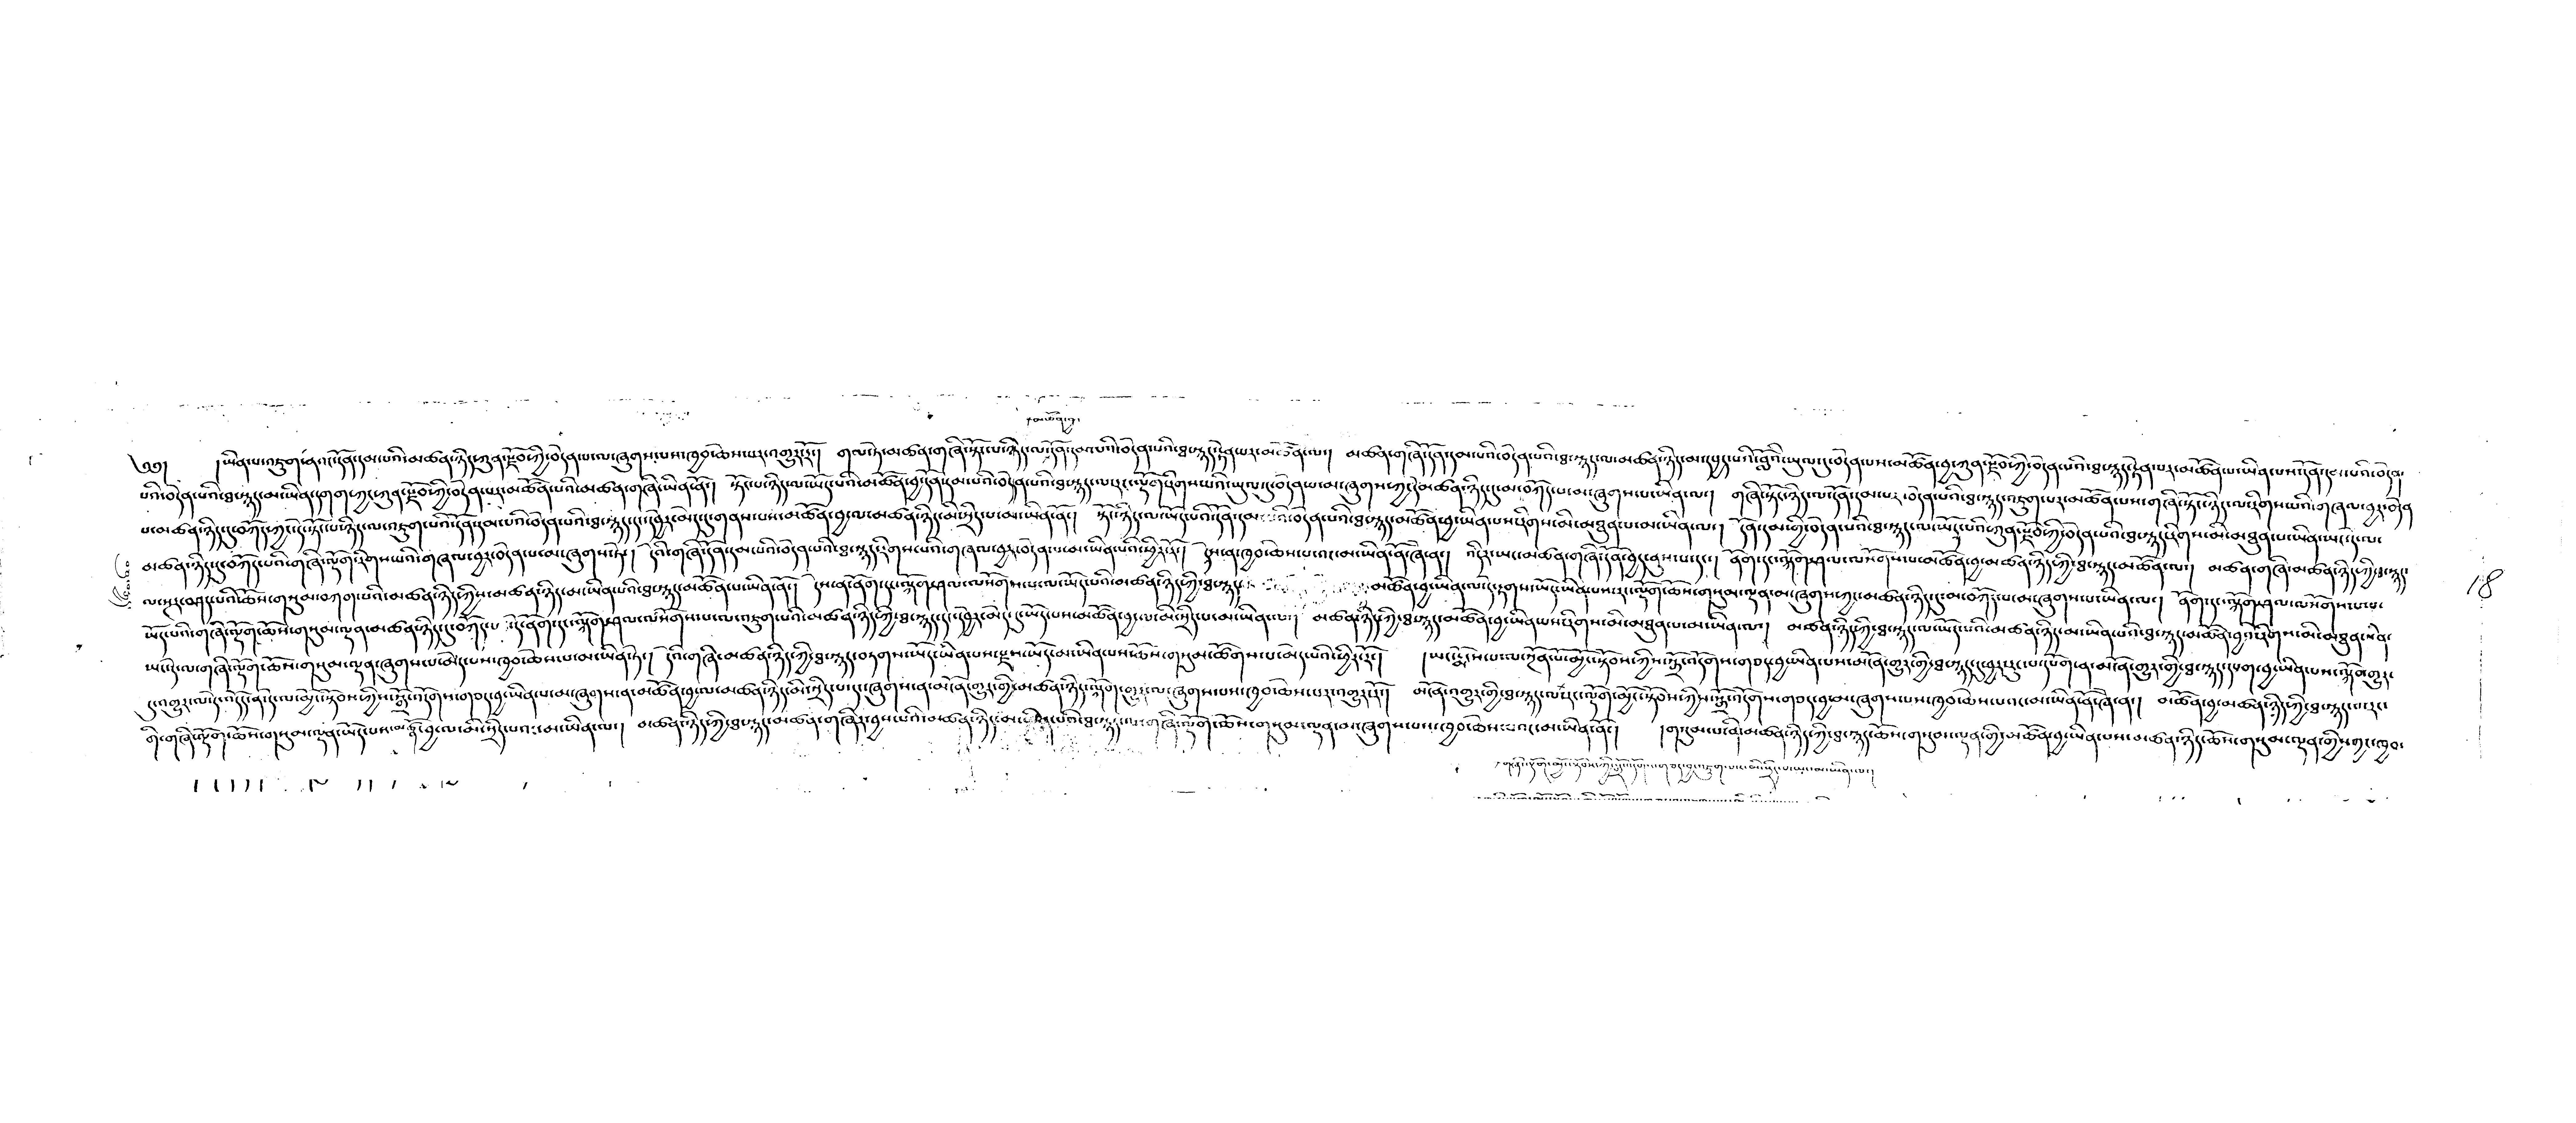༄༅། །ཡིན་པ་འཇུག་ནའང་དོན་དམ་པའི་མཚན་ཉིད་ཀུན་རྫོབ་ཀྱི་བདེན་པ་ལ་ཞུགས་པས་ཁྱབ་ཆེས་པར་འགྱུར་རོ། གལ་ཏེ་མཚན་གཞི་སྟོང་པ་ཉིད་ལ་དོན་དམ་པའི་བདེན་པའི་ཐ་སྙད་རྟེན་པར་མཚོན་ལ། མཚན་གཞི་དོན་དམ་པའི་བདེན་པའི་ཐ་སྙད་ལ་མཚན་ཉིད་མ་དཔྱད་པའི་བློའི་ཡུལ་དུ་བདེན་པས་མཚོན་བྱ་ཀུན་རྫོབ་ཀྱི་བདེན་པའི་ཐ་སྙད་རྟེན་པར་མཚོན་པ་ཡིན་པས་དོན་དམ་པའི་བདེན་
པའི་བདེན་པའི་ཐ་སྙད་མ་ཡིན་དགག་ཀྱང་ཀུན་རྫོབ་ཀྱི་བདེན་པར་མཚོན་པའི་མཚན་གཞི་ཡིན་ནོ། སྟོང་པ་ཉིད་ལ་ཡོད་པའི་མཚོན་བྱ་དོན་དམ་པའི་བདེན་པའི་ཐ་སྙད་ལ་རང་ལྡོག་རིགས་པའི་ཡུལ་དུ་བདེན་པ་མ་ཞུགས་ཀྱི་དེ་མཚན་ཉིད་དུ་མ་བཀོད་པ་མ་ཞུགས་པ་ཡིན་ལ། གཞི་སྟོང་ཉིད་ལ་དོན་དམ་པར་བདེན་པའི་ཐ་སྙད་འཇུག་པར་མཚོན་པས་གཞི་སྟོང་ཉིད་ལ་རིགས་པའི་གཞལ་བྱར་བདེན་
པ་མཚན་ཉིད་དུ་བཀོད་ཀྱང་དེ་སྟོང་པ་ཉིད་ལ་འཇུག་པའི་དོན་དམ་པའི་བདེན་པའི་ཐ་སྙད་དང་དབྱེར་མེད་དུ་གནས་པས་མཚོན་བྱ་ལ་མཚན་ཉིད་མི་སྲིད་པ་མ་ཡིན་ནོ། སྟོང་ཉིད་ལ་ཡོད་པའི་དོན་དམ་པའི་བདེན་པའི་ཐ་སྙད་མཚོན་བྱ་ཡིན་པས་རིགས་མི་མཐུན་པ་མ་ཡིན་ལ། དོན་དམ་གྱི་བདེན་པའི་ཐ་སྙད་ལ་ཡོད་པའི་ཀུན་རྫོབ་ཀྱི་བདེན་པའི་ཐ་སྙད་རིགས་མི་མཐུན་པ་ཡིན་ཡང་དེ་ལ་
མཚན་ཉིད་དུ་བཀོད་པའི་གཞི་ལྡོག་རིགས་པའི་གཞལ་བྱར་བདེན་པ་མ་ཞུགས་ཏེ། དེའི་གཞི་དོན་དམ་པའི་བདེན་པའི་ཐ་སྙད་རིགས་པའི་གཞལ་བྱར་བདེན་པ་མ་ཡིན་པའི་ཕྱིར་རོ། དེས་ན་ཁྱབ་ཆེས་པ་འང་མ་ཡིན་ནོ་ཞེ་ན། འདིར་ཡང་མཚན་གཞི་དོན་བྱེད་ནུས་པ་དང་། ནོག་དང་ལྐོག་ཤལ་ལ་སོགས་པ་མཚོན་བྱ་མཚན་ཉིད་ཀྱི་ཐ་སྙད་མཚོན་ལ། མཚན་གཞི་མཚན་ཉིད་ཀྱི་ཐ་སྙད་
ལ་སྔར་བཤད་པའི་ཆོས་གསུམ་བཀག་པའི་མཚན་ཉིད་ཀྱིས་མཚན་ཉིད་མ་ཡིན་པའི་ཐ་སྙད་མཚོན་པ་ཡིན་ནོ། དེས་ན་ནོག་དང་ལྐོག་ཤལ་ལ་སོགས་པ་ལ་ཡོད་པའི་མཚན་ཉིད་ཀྱི་ཐ་སྙད་མཚོན་བྱ་ཡིན་ལ་དེ་རྟགས་ཡོད་ཡིན་པས་རང་ལྡོག་ཆོས་གསུམ་ལྡན་མ་ཞུགས་ཀྱང་མཚན་ཉིད་དུ་མ་བཀོད་པ་མ་ཞུགས་པ་ཡིན་ལ། ནོག་དང་ལྐོག་ཤལ་ལ་སོགས་པ་བ་
ཡོད་པའི་གཞི་ལྡོག་ཆོས་གསུམ་ལྡན་མཚན་ཉིད་དུ་བཀོད་པ་དེ་ནོག་དང་ལྐོག་ཤལ་ལ་སོགས་པ་ལ་འཇུག་པའི་མཚན་ཉིད་ཀྱི་ཐ་སྙད་དང་དབྱེར་མེད་དུ་ཡོད་པས་མཚོན་བྱ་ལ་མི་སྲིད་པ་མ་ཡིན་ལ། མཚན་ཉིད་ཀྱི་ཐ་སྙད་མཚོན་བྱ་ཡིན་པས་རིགས་མི་མཐུན་པ་མ་ཡིན་ལ། མཚན་ཉིད་ཀྱི་ཐ་སྙད་ལ་ཡོད་པའི་མཚན་ཉིད་མ་ཡིན་པའི་ཐ་སྙད་མཚོན་བྱའི་རིགས་མི་མཐུན་ཡིན་
ཡང་དེ་ལ་གཞི་ལྡོག་ཆོས་གསུམ་ལྡན་ཞུགས་པ་མེད་པས་ཁྱབ་ཆེས་པ་མ་ཡིན་ཏེ། དེའི་གཞི་མཚན་ཉིད་ཀྱི་ཐ་སྙད་བཏགས་ཡོད་ཡིན་པས་རྫས་ཡོད་མ་ཡིན་པས་ཆོས་གསུམ་ཚོགས་པ་མེད་པའི་ཕྱིར་རོ། །ཡང་རྨོངས་པ་ལ་སྔོན་པོ་མྱོང་སྟོབས་ཀྱིས་སྒྲོ་འདོགས་གཅད་བྱ་ཡིན་པས་མངོན་གྱུར་གྱི་ཐ་སྙད་དུ་བྱར་རུང་པ་དཔོག་ན་མངོན་གྱུར་གྱི་ཐ་སྙད་དཔག་བྱ་ཡིན་པས་ལྐོག་གྱུར་
དུ་འགྱུར་ལ་དེ་འདོད་ན་དེ་ལ་མྱོང་སྟོབས་ཀྱིས་སྒྲོ་འདོགས་གཅད་བྱ་ཡིན་པ་མ་ཞུགས་ན་མཚོན་བྱ་ལ་མཚན་ཉིད་མི་སྲིད་པ་དང་ཞུགས་ན་མངོན་གྱུར་གྱི་མཚན་ཉིད་ལྐོག་གྱུར་ལ་ཞུགས་པས་ཁྱབ་ཆེས་པར་འགྱུར་རོ། མངོན་འགྱུར་གྱི་ཐ་སྙད་ལ་གཞི་ལྡོག་མྱོང་སྟོབས་ཀྱི་སྒྲོ་འདོགས་གཅད་བྱ་འཇུག་པར་མི་སྲིད་པ་ཡང་མ་ཡིན་པ།  རང་ལྡོག་མྱོང་སྟོབས་ཀྱིས་སྒྲོ་འདོགས་གཅད་བྱ་མ་ཞུགས་པས་ཁྱབ་ཆེས་པའང་མ་ཡིན་ནོ་ཞེ་ན། མཚོན་བྱ་མཚན་ཉིད་ཀྱི་ཐ་སྙད་བ་རང་
གི་གཞི་ལྡོག་ཆོས་གསུམ་ལྡན་ཡོད་པས་མཚོན་བྱ་ལ་མི་སྲིད་པའང་མ་ཡིན་ལ། མཚན་ཉིད་ཀྱི་ཐ་སྙད་མཚན་གཞིར་བྱས་པའི་མཚན་ཉིད་མ་ཡིན་པའི་ཐ་སྙད་ལ་གཞི་ལྡོག་ཆོས་གསུམ་ལྡན་མ་ཞུགས་པས་ཁྱབ་ཆེས་པའང་མ་ཡིན་ནོ། །གསུམ་པ་ནི་མཚན་ཉིད་ཀྱི་ཐ་སྙད་ཆོས་གསུམ་ལྡན་གྱི་མཚོན་བྱ་ཡིན་པས་མཚན་ཉིད་ཆོས་གསུམ་ལྡན་གྱིས་ཀྱང་ཁྱབ་